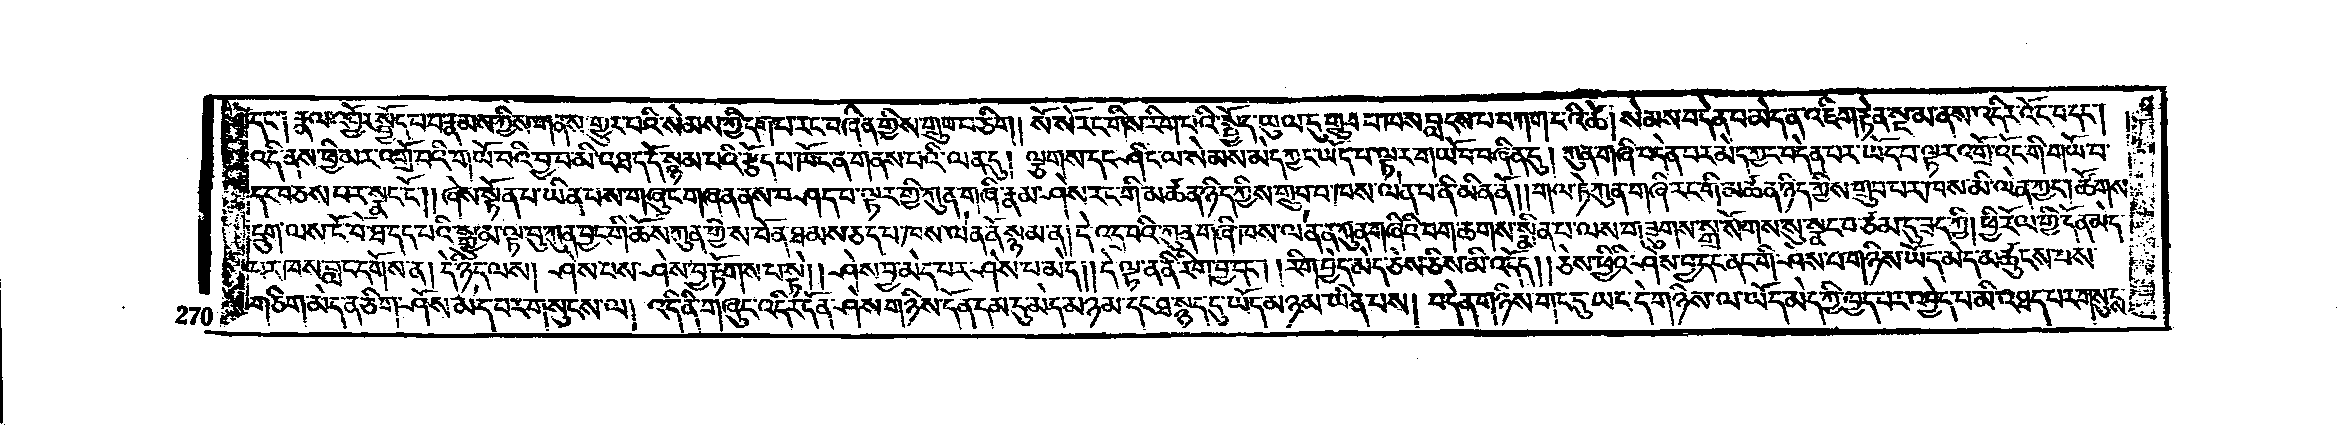དང་། རྣལ་འབྱོར་སྤྱོད་པ་བ་རྣམས་ཀྱིས་གནས་གྱུར་པའི་སེམས་ཀྱི་དག་པ་རང་བཞིན་གྱིས་གྲུབ་པ་ཅིག །སོ་སོ་རང་གིས་རིག་པའི་སྤྱོད་ཡུལ་དུ་གྲུབ་པ་ཁས་བླངས་པ་བཀག་པའི་ཚེ། སེམས་བདེན་པ་མེད་ན་འཇིག་རྟེན་སྔ་མ་ནས་འདིར་འོང་བ་དང་།
འདི་ནས་ཕྱི་མར་འགྲོ་བའི་གཡོ་བའི་བྱ་བ་མི་འཐད་དོ་སྙམ་པའི་རྩོད་པ་ཁོང་ན་གནས་པའི་ལན་དུ། ལྕགས་དང་ཤིང་ལ་སེམས་མེད་ཀྱང་ཡོད་པ་ལྟར་གཡོ་བ་བཞིན་དུ། ཀུན་གཞི་བདེན་པར་མེད་ཀྱང་བདེན་པར་ཡོད་པ་ལྟར་འགྲོ་འོང་གི་གཡོ་བ་
དང་བཅས་པར་སྣང་ངོ། །ཞེས་སྟོན་པ་ཡིན་པས་གཞུང་གཞན་ནས་བཤད་པ་ལྟར་གྱི་ཀུན་གཞི་རྣམ་ཤེས་རང་གི་མཚན་ཉིད་ཀྱིས་གྲུབ་པ་ཁས་ལེན་པ་ནི་མིན་ནོ། །གལ་ཏེ་ཀུན་གཞི་རང་གི་མཚན་ཉིད་ཀྱིས་གྲུབ་པར་ཁས་མི་ལེན་ཀྱང་། ཚོགས་
དྲུག་ལས་ངོ་བོ་ཐ་དད་པའི་སྒྱུ་མ་ལྟ་བུ་ཀུན་བྱང་གི་ཆོས་ཀུན་གྱི་ས་བོན་ཐམས་ཅད་པ་ཁས་ལེན་ནོ་སྙམ་ན། དེ་འདྲ་བའི་ཀུན་གཞི་ཁས་ལེན་ན་ཀུན་གཞིའི་བག་ཆགས་སྨིན་པ་ལས་གཟུགས་སྒྲ་སོགས་སུ་སྣང་བ་ཙམ་དུ་ཟད་ཀྱི། ཕྱི་རོལ་གྱི་དོན་མེད་
པར་ཁས་བླང་དགོས་ན། དེ་ཉིད་ལས། ཤེས་པས་ཤེས་བྱ་རྟོགས་པ་སྟེ། །ཤེས་བྱ་མེད་པར་ཤེས་པ་མེད། །དེ་ལྟ་ན་ནི་རིག་བྱ་དང་། །རིག་བྱེད་མེད་ཅེས་ཅིས་མི་འདོད། །ཅེས་ཕྱིའི་ཤེས་བྱ་དང་ནང་གི་ཤེས་པ་གཉིས་ཡོད་མེད་མཚུངས་པས་
གཅིག་མེད་ན་ཅིག་ཤོས་མེད་པར་གསུངས་ལ། འདི་ནི་གཞུང་འདིར་དོན་ཤེས་གཉིས་དོན་དམ་དུ་མེད་མཉམ་དང་ཐ་སྙད་དུ་ཡོད་མཉམ་ཡིན་པས། བདེན་གཉིས་གང་དུ་ཡང་དེ་གཉིས་ལ་ཡོད་མེད་ཀྱི་ཁྱད་པར་འབྱེད་པ་མི་འཐད་པར་གསུངས་